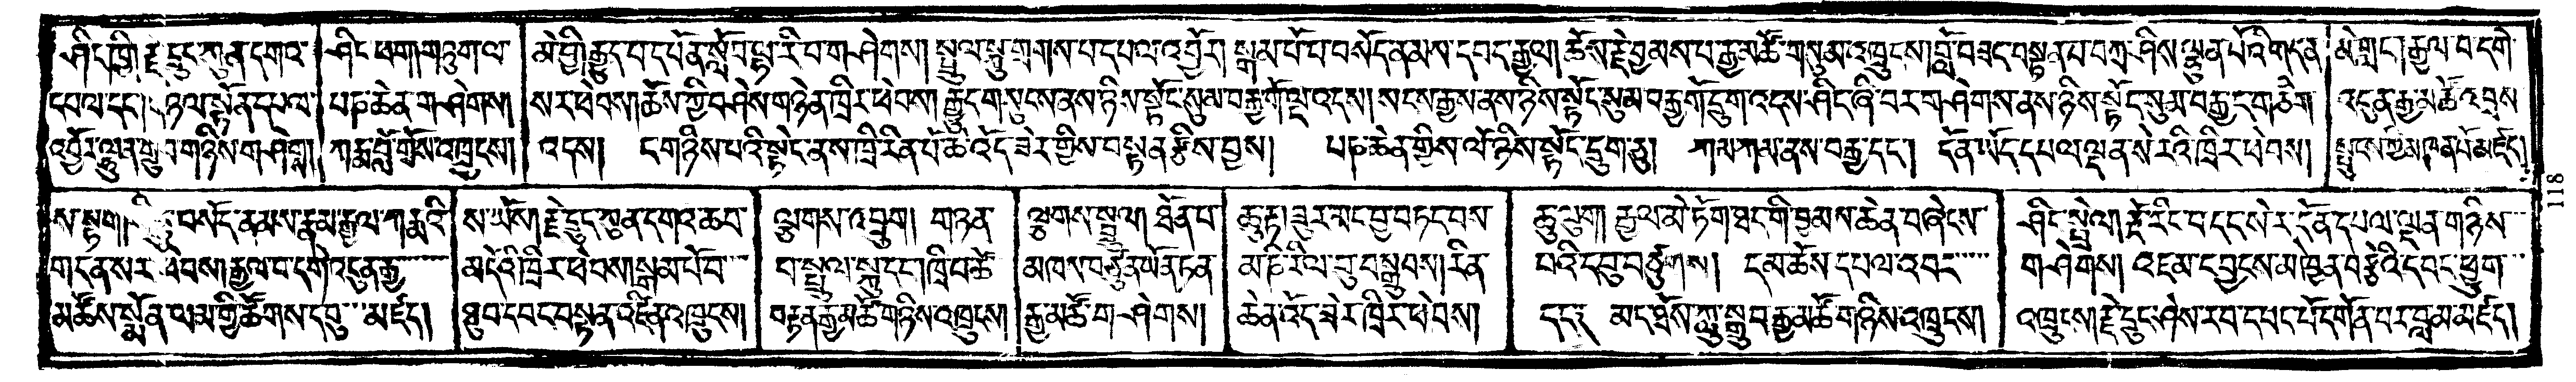ཤིང་ཁྱི། རྗ་དྲུང་ཀུན་དགའ་ཤིང་ཕག །གཉུག་ལ་མེ་བྱི། རྒྱུད་པ་དཔོན་སློབ་ལྷ་རི་བ་གཤེགས། སྤྲུལ་སྐུ་གྲགས་པ་དཔལ་འབྱོར། སྒམ་པོ་པ་བསོད་ནམས་དབང་རྒྱལ། ཆོས་རྗེ་བྱམས་པ་རྒྱ་མཚོ་གསུམ་འཁྲུངས། བློ་བཟང་བསྟན་པ་བཀྲ་ཤིས་ལྷུན་པོའི་གདན་མེ་གླང་། རྒྱལ་བ་དགེ་
དཔལ་དང་། དྙེལ་སྟོན་དཔལ་པཎ་ཆེན་གཤེགས། སར་ཕེབས། ཆོས་ཀྱི་བཤེས་གཉེན་ཁྲིར་ཕེབས། རྒྱུད་གསུངས་ནས་ཉིས་སྟོང་སུམ་བརྒྱ་གོ་ལྔ་འདས། སངས་རྒྱས་ནས་ཉིས་སྟོང་སུམ་བརྒྱ་གོ་དྲུག་འདས་ཤིང་ཞི་བར་གཤེགས་ནས་ཉི་སྟོང་སུམ་བརྒྱད་གཅིག་འདུན་རྒྱ་མཚོ་འབྲས་
འབྱོར་ལྷུན་གྲུབ་གཉིས་གཤེགས། ཀརྨ་བློ་གྲོས་འཁྲུངས། འདས། ང་གཉིས་པའི་སྟེང་ནས་ཁྲི་རིན་པོ་ཆེ་འོད་ཟེར་གྱིས་བསྟན་རྩིས་བྱས། པཎ་ཆེན་གྱིས་ལོ་ཉིས་སྟོང་དྲུག་ཅུ། ཀམ་ཀམ་ནས་བརྒྱ་དང་། དོན་ཡོད་དཔལ་ལྡན་སེ་རའི་ཁྲིར་ཕེབས། སྤུངས་ཀྱི་མཁན་པོ་མཛད།
ས་སྟག །?  དྷུ་བསོད་ནམས་རྣམ་རྒྱལ་ཀརྨའི་ས་ཡོས། རྗེ་དྲུད་ཀུན་དགའ་ཆབ་ལྕགས་འབྲུག། གཉན་ལྕགས་སྦྲུལ། ཐོན་པ་ཆུ་རྟ། ཟུར་མང་བྱ་བཏང་བས་ཆུ་ལུག། རྒྱལ་མེ་ཏོག་ཐང་གི་བྱམས་ཆེན་བཞེངས་ཤིང་སྤྲེལ། རྡོ་རིང་བ་དང་སེར་དོན་དཔལ་ལྡན་གཉིས་
གདན་སར་ཕེབས། རྒྱལ་བ་དགེ་འདུན་རྒྱ་མདོའི་ཁྲིར་ཕེབས། སྒོམ་པོ་བ་པ་སྤྲུལ་སྐུ་དང་། ཁྲི་བ་ཚེ་མཁས་བཙུན་ཡོན་ཏན་མ་ཎི་རིལ་བུ་བསྒྲུབས། རིན་པའི་དབུ་བཙུགས། དམ་ཆོས་དཔལ་འབང་། གཤེགས། འཇམ་དབྱངས་མཁྱེན་བརྩེའི་དབང་ཕྱུག་
མཚོས་སྨོན་ལམ་གྱི་ཚོགས་དབུ་མཛད། ཐུབ་དབང་བསྟན་འཛིན་འཁྲུངས། བརྟན་རྒྱ་མཚོ་གཉིས་འཁྲུངས། རྒྱ་མཚོ་གཤེགས། ཆེན་འོད་ཟེར་ཁྲིར་ཕེབས། དང་། མང་ཐོས་ཀླུ་སྒྲུབ་རྒྱ་མཚོ་གཉིས་འཁྲུངས། འཁྲུངས། རྗེ་དྲུང་ཤེས་རབ་དཔང་པོ་དགོན་པར་བླ་མ་མཛད།